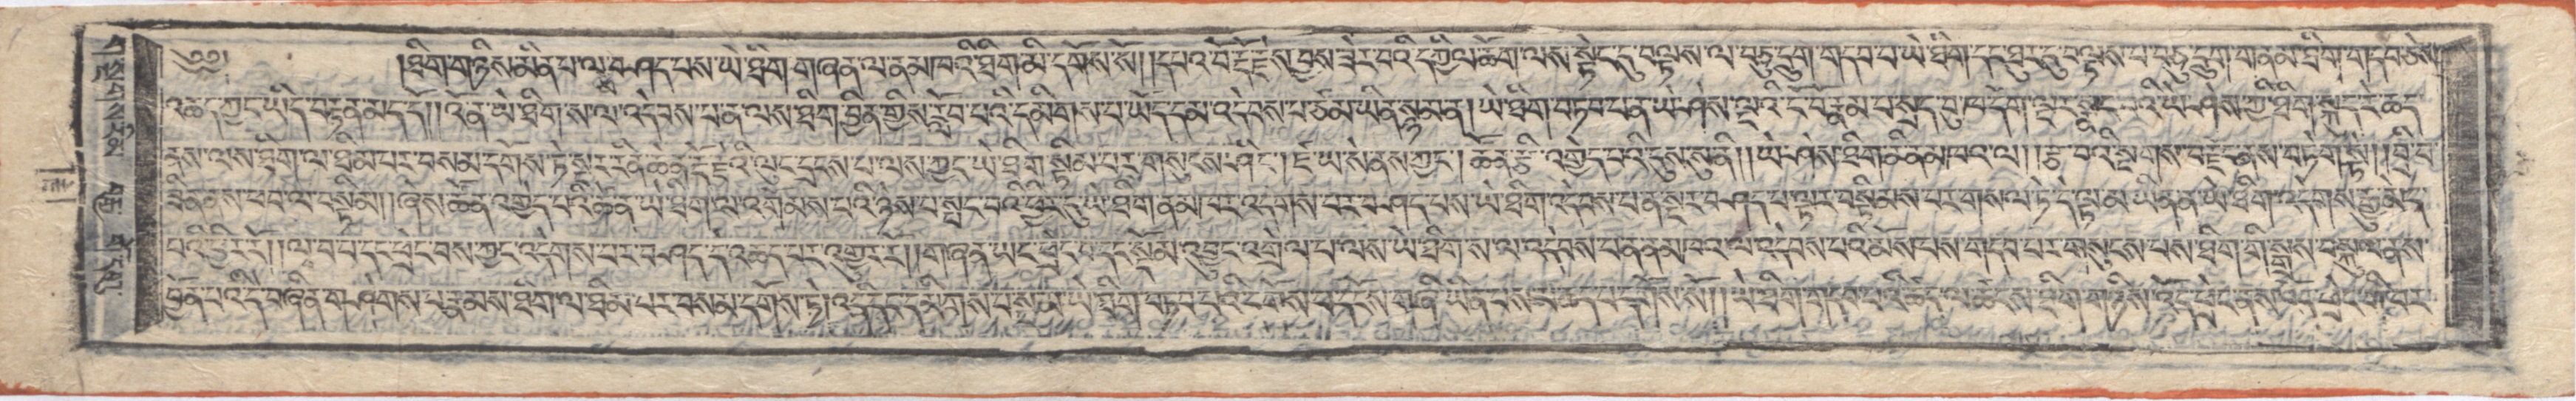༄༅། །ཐིག་གཉིས་མིན་པ་ལམ་བཤད་པས་ཡི་ཐིག་གཞན་ལ་ནམ་མཁའི་ཐིག་མི་དགོས་སོ། །དཔའ་བོ་རྡོ་རྗེས་བྱས་ཟེར་བའི་དཀྱིལ་ཆོག་ལས་སྟེང་དུ་བལྟས་ལ་བཅུ་དྲུག་གདབ་པ་ཡེ་ཐིག་དང་ཐུར་དུ་བལྟས་པ་བཅུ་དྲུག་གནམ་ཐིག་གདབ་ཅེས་
འཆད་ཀྱང་ཡིད་བརྟན་མེད་དོ། །འོ་ན་ཡེ་ཐིག་ས་ལ་འདེབས་པ་ན་ལས་ཐིག་བྱིན་གྱིས་རློབ་པའི་དམིགས་པ་ཡོད་དམ་འདེབས་པ་ཙམ་ཡིན་སྙམ་ན། ཡེ་ཐིག་བཏབ་པ་ན་ཡེ་ཤེས་ལྔའི་ངོ་བོ་རྣམ་པ་སྲད་བུ་ཁ་དོག་ལྔར་སྣང་བའི་ཡེ་ཤེས་ཀྱི་ཐིག་སྐུད་རེ་ཆད་
ནས་ལས་ཐིག་ལ་ཐིམ་པར་བསམ་དགོས་ཏེ་སྔར་རིན་ཆེན་རྡོ་རྗེའི་ལུང་དྲངས་པ་ལས་ཀྱང་ཡེ་ཐིག་སྟིམ་པར་གསུངས་ཤིང་། ཛ་ཡ་སེ་ནས་ཀྱང་། ཚོན་རྩི་འགྱེད་པའི་དུས་སུ་ནི། །ཡེ་ཤེས་ཐིག་ནི་ནམ་མཁའ་ལ། །རྩ་བའི་སྔགས་བརྗོད་ནས་བཏེག་སྟེ། །བྲི་བ་
ཟིན་ནས་ཕབ་ལ་བསྟིམ། །ཞེས་ཚོན་འགྱེད་པའི་ཚེ་ན་ཡེ་ཐིག་ལ་འགོམས་པའི་ཉེས་པ་སྤང་བའི་ཕྱིར་དུ་ཡེ་ཐིག་ནམ་མཁར་འདེགས་པར་བཤད་པས་ཡེ་ཐིག་འདེབས་པ་ན་སྔར་བཤད་པ་ལྟར་བསྟིམས་པར་གསལ་ཏེ་དེ་ལྟ་མ་ཡིན་ན་ཡེ་ཐིག་འདེགས་རྒྱུ་མེད་
པའི་ཕྱིར་རོ། །ལྭ་བ་པ་དང་ཕྲེང་བས་ཀྱང་འདེགས་པར་བཤད་དེ་འཆད་པར་འགྱུར་རོ། །གཞན་ཡང་ཕྲེང་བ་དང་སྡོམ་འབྱུང་འགྲེལ་པ་ལས་ཡེ་ཐིག་ས་ལ་འདེབས་པ་ན་ནམ་མཁའ་ལ་འདེབས་པའི་མོས་པས་གདབ་པར་གསུངས་པས་ཐིག་གི་སྒྲས་བསྐུལ་ནས་
བྱོན་པའི་དེ་བཞིན་གཤེགས་པ་རྣམས་ཐིག་ལ་ཐིམ་པར་བསམ་དགོས་ཏེ། འདི་དང་དམིགས་པ་སྔ་མ་ཡེ་ཐིག་བཏབ་པའི་དགོས་པ་དངོས་གཞི་ཡིན་པས་མ་ཆད་པ་དགོས་སོ། །ཡེ་ཐིག་གདབ་པའི་ཚད་ལ་ཚངས་ཐིག་གཉིས་འོད་ཕྲེང་ནས་འོད་ཕྲེང་གི་བར་